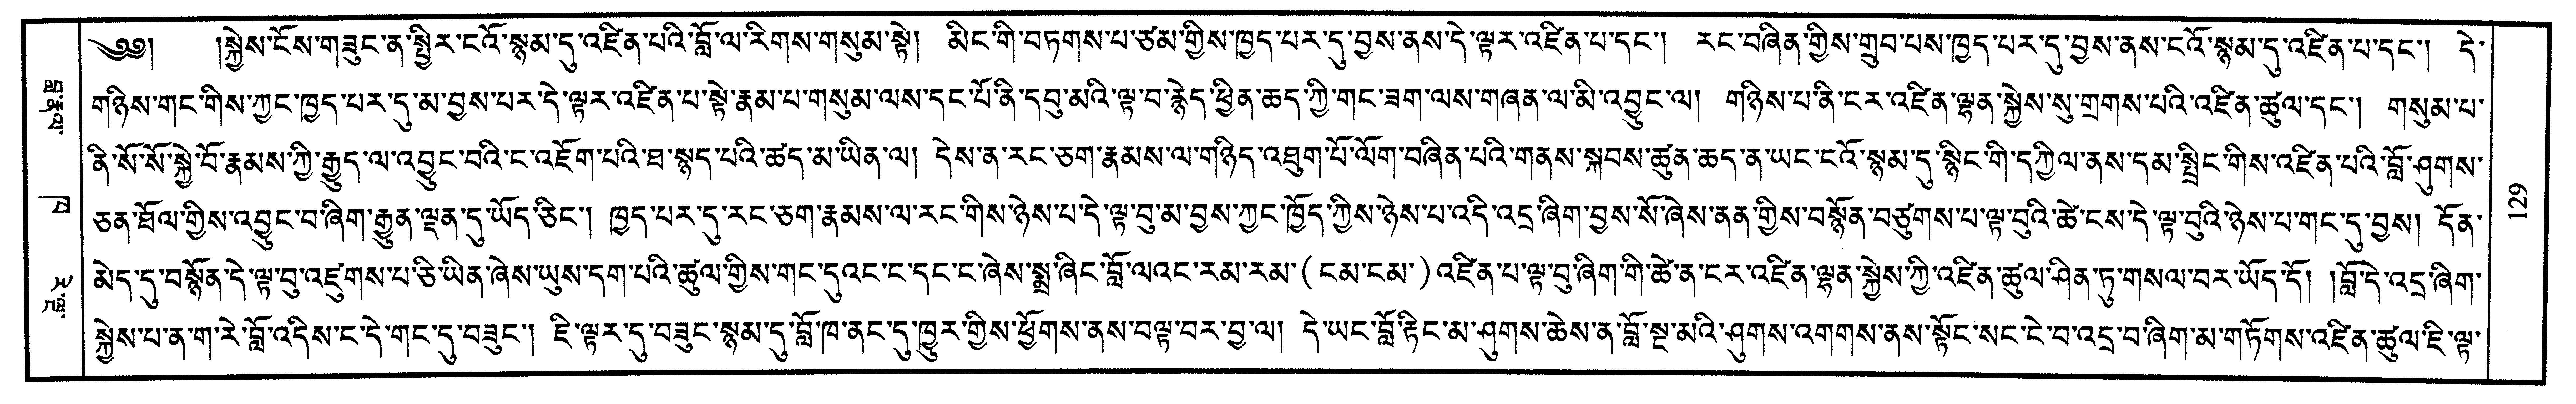༄༅། །སྐྱེས་ངོས་གཟུང་ན་སྤྱིར་ངའོ་སྙམ་དུ་འཛིན་པའི་བློ་ལ་རིགས་གསུམ་སྟེ། མིང་གི་བཏགས་པ་ཙམ་གྱིས་ཁྱད་པར་དུ་བྱས་ནས་དེ་ལྟར་འཛིན་པ་དང་། རང་བཞིན་གྱིས་གྲུབ་པས་ཁྱད་པར་དུ་བྱས་ནས་ངའོ་སྙམ་དུ་འཛིན་པ་དང་། དེ་
གཉིས་གང་གིས་ཀྱང་ཁྱད་པར་དུ་མ་བྱས་པར་དེ་ལྟར་འཛིན་པ་སྟེ་རྣམ་པ་གསུམ་ལས་དང་པོ་ནི་དབུ་མའི་ལྟ་བ་རྙེད་ཕྱིན་ཆད་ཀྱི་གང་ཟག་ལས་གཞན་ལ་མི་འབྱུང་ལ། གཉིས་པ་ནི་ངར་འཛིན་ལྷན་སྐྱེས་སུ་གྲགས་པའི་འཛིན་ཚུལ་དང་། གསུམ་པ་
ནི་སོ་སོ་སྐྱེ་བོ་རྣམས་ཀྱི་རྒྱུད་ལ་འབྱུང་བའི་ང་འཇོག་པའི་ཐ་སྙད་པའི་ཚད་མ་ཡིན་ལ། དེས་ན་རང་ཅག་རྣམས་ལ་གཉིད་འཐུག་པོ་ལོག་བཞིན་པའི་གནས་སྐབས་ཚུན་ཆད་ན་ཡང་ངའོ་སྙམ་དུ་སྙིང་གི་དཀྱིལ་ནས་དམ་སྤྲིང་གིས་འཛིན་པའི་བློ་ཤུགས་
ཅན་ཐོལ་གྱིས་འབྱུང་བ་ཞིག་རྒྱུན་ལྡན་དུ་ཡོད་ཅིང་། ཁྱད་པར་དུ་རང་ཅག་རྣམས་ལ་རང་གིས་ཉེས་པ་དེ་ལྟ་བུ་མ་བྱས་ཀྱང་ཁྱོད་ཀྱིས་ཉེས་པ་འདི་འདྲ་ཞིག་བྱས་སོ་ཞེས་ནན་གྱིས་བསྙོན་བཙུགས་པ་ལྟ་བུའི་ཚེ་ངས་དེ་ལྟ་བུའི་ཉེས་པ་གང་དུ་བྱས། དོན་
མེད་དུ་བསྙོན་དེ་ལྟ་བུ་འཛུགས་པ་ཅི་ཡིན་ཞེས་ཡུས་དག་པའི་ཚུལ་གྱིས་གང་དུའང་ང་དང་ང་ཞེས་སྨྲ་ཞིང་བློ་ལའང་རམ་རམ་ངམ་ངམ་འཛིན་པ་ལྟ་བུ་ཞིག་གི་ཚེ་ན་ངར་འཛིན་ལྷན་སྐྱེས་ཀྱི་འཛིན་ཚུལ་ཤིན་ཏུ་གསལ་བར་ཡོད་དོ། །བློ་དེ་འདྲ་ཞིག་
སྐྱེས་པ་ན་ག་རེ་བློ་འདིས་ང་དེ་གང་དུ་བཟུང་། ཇི་ལྟར་དུ་བཟུང་སྙམ་དུ་བློ་ཁ་ནང་དུ་ཁྱུར་གྱིས་ཕྱོགས་ནས་བལྟ་བར་བྱ་ལ། དེ་ཡང་བློ་རྟིང་མ་ཤུགས་ཆེས་ན་བློ་སྔ་མའི་ཤུགས་འགགས་ནས་སྟོང་སང་ངེ་བ་འདྲ་བ་ཞིག་མ་གཏོགས་འཛིན་ཚུལ་ཇི་ལྟ་